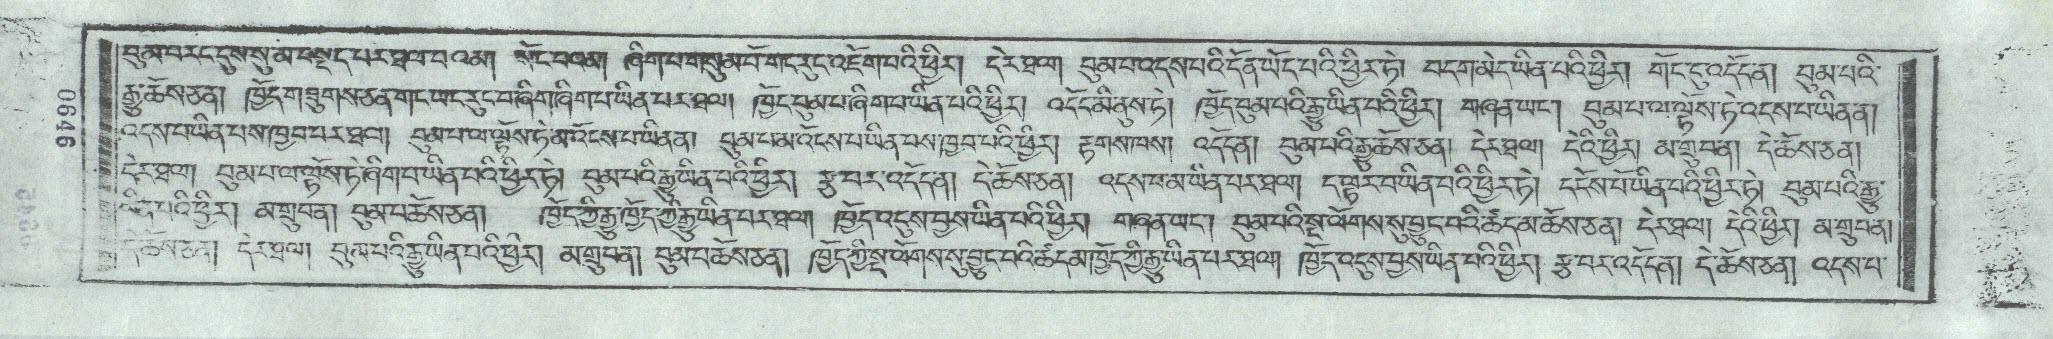བུམ་པ་རང་དུས་སུ་མ་བསྡད་པར་ཐལ་བའམ། སོང་བའམ། ཞིག་པ་གསུམ་པོ་གང་རུང་འཇོག་བའི་ཕྱིར། དེར་ཐལ། བུམ་པ་འདས་པའི་དོན་ཡོད་པའི་ཕྱིར་ཏེ། བདག་མེད་ཡིན་པའི་ཕྱིར། གོང་དུ་འདོད་ན། བུམ་པའི་
རྒྱུ་ཆོས་ཅན། ཁྱོད་གཟུགས་ཅན་གང་ཡང་རུང་བ་ཞིག་ཞིག་པ་ཡིན་པར་ཐལ། ཁྱོད་བུམ་པ་ཞིག་པ་ཡིན་པའི་ཕྱིར། འདོད་མི་ནུས་ཏེ། ཁྱོད་བུམ་པའི་རྒྱུ་ཡིན་པའི་ཕྱིར། གཞན་ཡང་། བུམ་པ་ལ་ལྟོས་ཏེ་འདས་པ་ཡིན་ན།
འདས་པ་ཡིན་པས་ཁྱབ་པར་ཐལ། བུམ་པ་ལ་ལྟོས་ཏེ་མ་འོངས་པ་ཡིན་ན། བུམ་པ་མ་འོངས་པ་ཡིན་པས་ཁྱབ་པའི་ཕྱིར། རྟགས་ཁས། འདོད་ན། བུམ་པའི་རྒྱུ་ཆོས་ཅན། དེར་ཐལ། དེའི་ཕྱིར། མ་གྲུབ་ན། དེ་ཆོས་ཅན།
དེར་ཐལ། བུམ་པ་ལ་ལྟོས་ཏེ་ཞིག་པ་ཡིན་པའི་ཕྱིར་ཏེ། བུམ་པའི་རྒྱུ་ཡིན་པའི་ཕྱིར། རྩ་བར་འདོད་ན། དེ་ཆོས་ཅན། འདས་པ་མ་ཡིན་པར་ཐལ། ད་ལྟར་བ་ཡིན་པའི་ཕྱིར་ཏེ། དངོས་པོ་ཡིན་པའི་ཕྱིར་ཏེ། བུམ་པའི་རྒྱུ་
ཡིན་པའི་ཕྱིར། མ་གྲུབ་ན། བུམ་པ་ཆོས་ཅན། ཁྱོད་ཀྱི་རྒྱུ་ཁྱོད་ཀྱི་རྒྱུ་ཡིན་པར་ཐལ། ཁྱོད་འདུས་བྱས་ཡིན་པའི་ཕྱིར། གཞན་ཡང་། བུམ་པའི་སྔ་ལོགས་སུ་བྱུང་བའི་ཚད་མ་ཆོས་ཅན། དེར་ཐལ། དེའི་ཕྱིར། མ་གྲུབ་ན།
དེ་ཆོས་ཅན། དེར་ཐལ། བུམ་པའི་རྒྱུ་ཡིན་བའི་ཕྱིར། མ་གྲུབ་ན། བུམ་པ་ཆོས་ཅན། ཁྱོད་ཀྱི་སྔ་ལོགས་སུ་བྱུང་བའི་ཚད་མ་ཁྱོད་ཀྱི་རྒྱུ་ཡིན་པར་ཐལ། ཁྱོད་འདུས་བྱས་ཡིན་པའི་ཕྱིར། རྩ་བར་འདོད་ན། དེ་ཆོས་ཅན། འདས་པ་